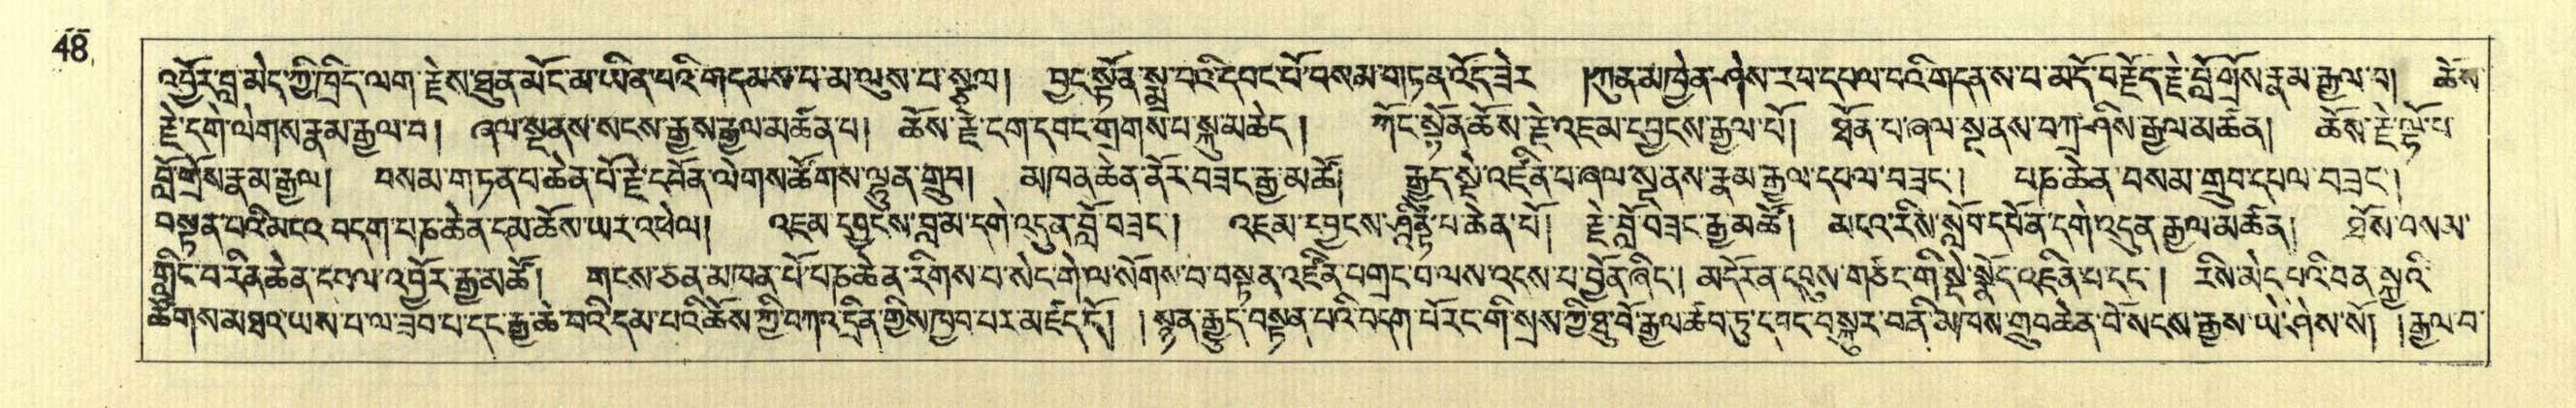འབྱོར་བླ་མེད་ཀྱི་ཁྲིད་ལག་རྗེས་ཐུན་མོང་མ་ཡིན་པའི་གདམས་པ་མ་ལུས་པ་སྩལ། བྱང་སྟོན་སྨྲ་བའི་དབང་པོ་བསམ་གཏན་འོད་ཟེར། །ཀུན་མཁྱེན་ཤེས་རབ་དཔལ་བའི་གདན་ས་པ་མདོ་བརྗོད་རྗེ་བློ་གྲོས་རྣམ་རྒྱལ་པ། ཆོས་
རྗེ་དགེ་ལེགས་རྣམ་རྒྱལ་བ། ཞལ་སྔ་ནས་སངས་རྒྱས་རྒྱལ་མཚན་པ། ཆོས་རྗེ་ངག་དབང་གྲགས་པ་སྐུ་མཆེད། ཀོང་སྟོན་ཆོས་རྗེ་འཇམ་དབྱངས་རྒྱལ་པོ། ཐོན་པ་ཞལ་སྔ་ནས་བཀྲ་ཤིས་རྒྱལ་མཚན། ཆོས་རྗེ་ལྷོ་པ་
བློ་གྲོས་རྣམ་རྒྱལ། བསམ་གཏན་པ་ཆེན་པོ་རྗེ་དབོན་ལེགས་ཚོགས་ལྷུན་གྲུབ། མཁན་ཆེན་ནོར་བཟང་རྒྱ་མཚོ། རྒྱུད་སྡེ་འཛིན་པ་ཞལ་སྔ་ནས་རྣམ་རྒྱལ་དཔལ་བཟང་། པཎ་ཆེན་བསམ་གྲུབ་དཔལ་བཟང་།
བསྟན་པའི་མངའ་བདག་པཎ་ཆེན་དམ་ཆོས་ཡར་འཕེལ། འཇམ་དབྱངས་བླ་མ་དགེ་འདུན་བློ་བཟང་། འཇམ་དབྱངས་ཤཱིནྟ་པ་ཆེན་པོ། རྗེ་བློ་བཟང་རྒྱ་མཚོ། མངའ་རིས་སློབ་དཔོན་དགེ་འདུན་རྒྱལ་མཚན། ཐོས་བསམ་
གླིང་བ་རིན་ཆེན་དཔལ་འབྱོར་རྒྱ་མཚོ། གངས་ཅན་མཁན་པོ་པཎ་ཆེན་རིགས་པ་སེང་གེ་ལ་སོགས་བ་བསྟན་འཛིན་བགྲང་པ་ལས་འདས་པ་བྱོན་ཞིང་། མདོར་ན་དབུས་གཙང་གི་སྡེ་སྣོད་འཛིན་པ་དང་། རིས་མེད་པའི་བན་སྐྱའི་
ཚོགས་མཐའ་ཡས་པ་ལ་ཟབ་པ་དང་རྒྱ་ཆེ་བའི་དམ་པའི་ཆོས་ཀྱི་བཀའ་དྲིན་གྱིས་ཁྱབ་པར་མཛད་དོ། །སྙན་རྒྱུད་བསྟན་པའི་བདག་པོ་རང་གི་སྲས་ཀྱི་ཐུ་བོ་རྒྱལ་ཚབ་ཏུ་དབང་བསྐུར་བ་ནི་མཁས་གྲུབ་ཆེན་པོ་སངས་རྒྱས་ཡེ་ཤེས་སོ། །རྒྱལ་བ་